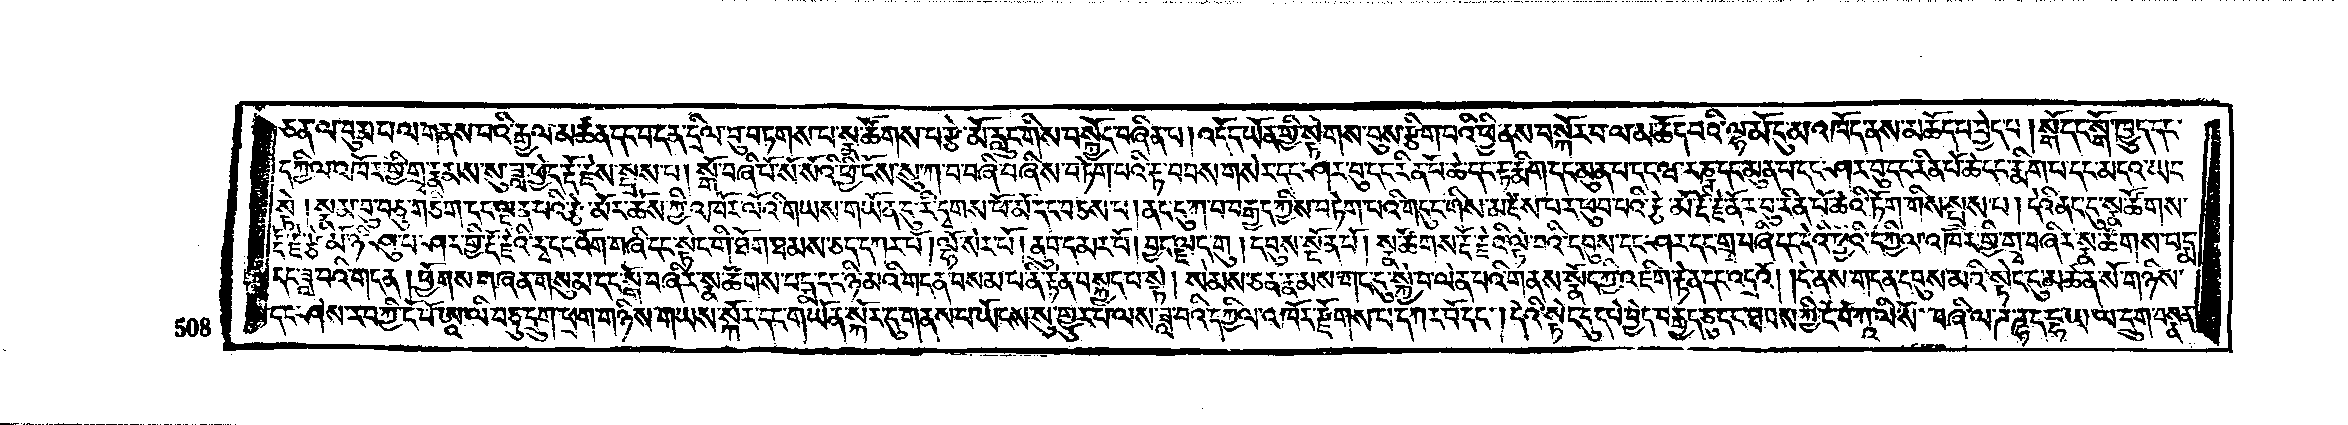ཅན་ལ་བུམ་པ་ལ་གནས་པའི་རྒྱལ་མཚན་དང་བ་དན་དྲིལ་བུ་བཏགས་པ་སྣ་ཚོགས་པ་རྩེ་མོ་རླུང་གིས་བསྐྱོད་བཞིན་པ། འདོད་ཡོན་གྱི་སྟེགས་བུས་རྩིག་པའི་ཕྱི་ནས་བསྐོར་བ་ལ་མཆོད་པའི་ལྷ་མོ་དུ་མ་འཁོད་ནས་མཆོད་པ་བྱེད་པ། སྒོ་དང་སྒོ་ཁྱུད་དང་།
དཀྱིལ་འཁོར་གྱི་གྲྭ་རྣམས་སུ་ཟླ་ཕྱེད་རྡོ་རྗེས་སྤྲས་པ། སྒོ་བཞི་པོ་སོ་སོའི་ཕྱི་ངོས་སུ་ཀ་བ་བཞི་བཞིས་བཏེག་པའི་རྟ་བབས་གསེར་དང་ཤར་བུ་དང་རིན་པོ་ཆེ་དང་རྟ་རྨིག་དང་མུན་པ་དང་ཝ་ར་ཎཱ་དང་མུན་པ་དང་ཤར་བུ་དང་རིན་པོ་ཆེ་དང་རྨིག་པ་དང་མདའ་ཡང་
སྟེ། སྣམ་བུ་བཅུ་གཅིག་དང་ལྡན་པའི་རྩེ་མོར་ཆོས་ཀྱི་འཁོར་ལོའི་གཡས་གཡོན་དུ་རི་དྭགས་ཕོ་མོ་དང་བཅས་པ། ནང་དུ་ཀ་བ་བརྒྱད་ཀྱིས་བཏེག་པའི་གདུང་གིས་མཛེས་པར་ཕུབ་པའི་རྩེ་མོ་རྡོ་རྗེ་ནོར་བུ་རིན་པོ་ཆེའི་ཏོག་གིས་སྤྲས་པ། དེའི་ནང་དུ་སྣ་ཚོགས་
རྡོ་རྗེ་རྩེ་མོ་ཉི་ཤུ་པ་ཤར་གྱི་རྡོ་རྗེའི་རྭ་དང་འོག་གཞི་དང་སྟེང་གི་ཐོག་ཐམས་ཅད་དཀར་པོ། ལྷོ་སེར་པོ། ནུབ་དམར་པོ། བྱང་ལྗང་གུ །དབུས་སྔོན་པོ། སྣ་ཚོགས་རྡོ་རྗེའི་ལྟེ་བའི་དབུས་དང་ཤར་དང་གྲྭ་བཞི་དང་དེའི་ཕྱིའི་དཀྱིལ་འཁོར་གྱི་གྲྭ་བཞིར་སྣ་ཚོགས་པདམ་
དང་ཟླ་བའི་གདན། ཕྱོགས་གཞན་གསུམ་དང་སྒོ་བཞིར་སྣ་ཚོགས་པདམ་དང་ཉི་མའི་གདན་བསམ་པ་ནི་རྟེན་བསྐྱེད་པ་སྟེ། སེམས་ཅན་རྣམས་གང་དུ་སྐྱེ་བ་ལེན་པའི་གནས་སྣོད་ཀྱི་འཇིག་རྟེན་དང་འདྲའོ། །དེ་ནས་གདན་དབུས་མའི་སྟེང་དུ་མཚན་སོ་གཉིས་
དང་ཤེས་རབ་ཀྱི་ངོ་བོ་ཨཱ་ལི་བཅུ་དྲུག་ཕྲག་གཉིས་གཡས་སྐོར་དང་གཡོན་སྐོར་དུ་གནས་པ་ཡོངས་སུ་གྱུར་པ་ལས་ཟླ་བའི་དཀྱིལ་འཁོར་རྫོགས་པ་དཀར་པོ་དང་། དེའི་སྟེང་དུ་དཔེ་བྱེད་བརྒྱད་ཅུ་དང་ཐབས་ཀྱི་ངོ་བོ་ཀཱ་ལི་སོ་བཞི་ལ་ཌ་ཌྷ་ད་དྷ་ཡ་ལ་དྲུག་བསྣན་